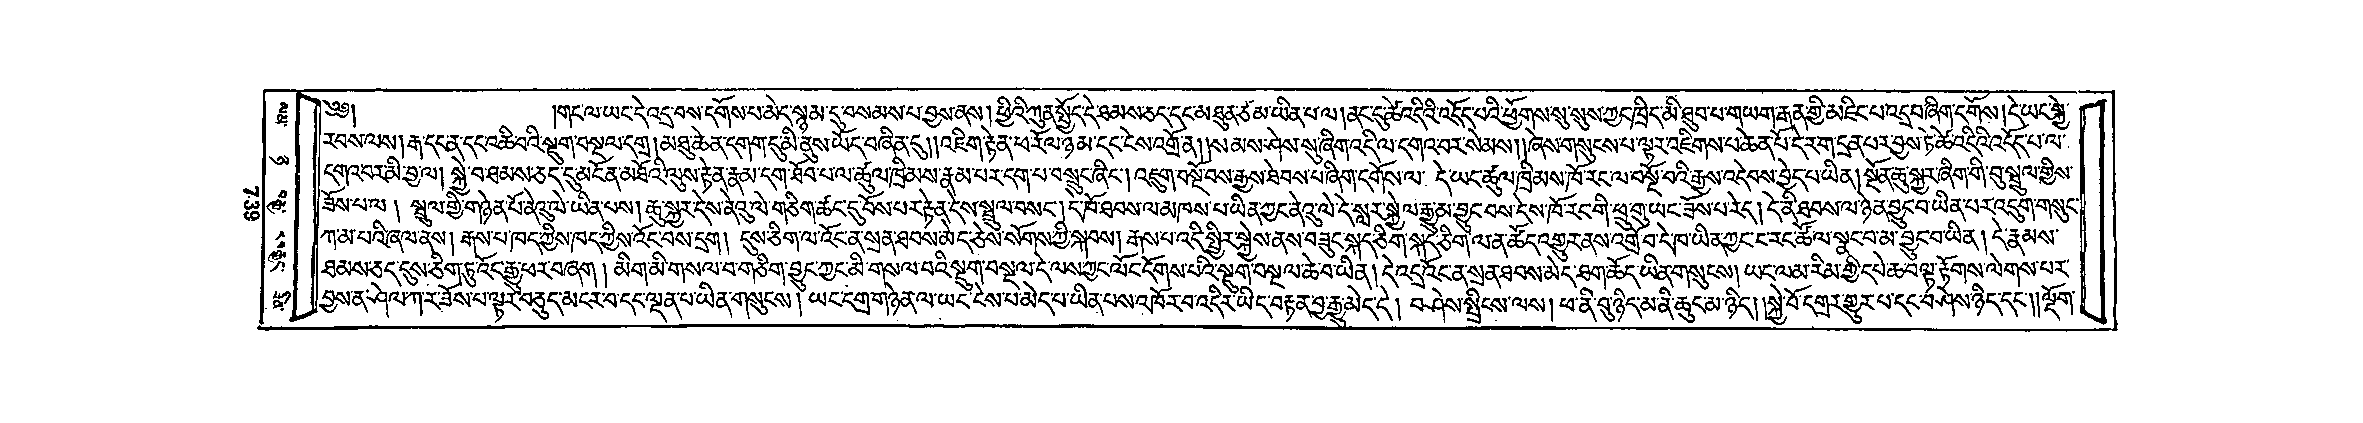༄༅། །གང་ལ་ཡང་དེ་འདྲ་བས་དགོས་པ་མེད་སྙམ་དུ་བསམས་པ་བྱས་ནས། ཕྱིའི་ཀུན་སྤྱོད་དེ་ཐམས་ཅད་དང་མཐུན་ཙམ་ཡིན་པ་ལ། ནང་དུ་ཚེ་འདིའི་འདོད་པའི་ཕྱོགས་སུ་སུས་ཀྱང་ཁྲིད་མི་ཐུབ་པ་གཡག་རྒན་གྱི་མཇིང་པ་འདྲ་བ་ཞིག་དགོས། དེ་ཡང་སྐྱེ་
རབས་ལས། །རྒ་དང་ན་དང་འཆི་བའི་སྡུག་བསྔལ་དགྲ་།མཐུ་ཆེན་དགག་དུ་མི་ནུས་ཡོད་བཞིན་དུ། །འཇིག་རྟེན་ཕ་རོལ་ཉམ་དང་ངེས་འགྲོ་ན། །སམས་ཤེས་སུ་ཞིག་འདི་ལ་དགའ་བར་སེམས། །ཞེས་གསུངས་པ་ལྟར་འཇིགས་པ་ཆེན་པོ་དེ་རག་དྲན་པར་བྱས་ཏེ་ཚེ་འདིའི་འདོད་པ་ལ་
དགའ་བར་མི་བྱ་ལ། སྐྱེས་བ་ཐམས་ཅད་དུ་མངོན་མཐོའི་ལུས་རྟེན་རྣམ་དག་ཐོབ་པ་ལ་ཚུལ་ཁྲིམས་རྣམ་པར་དག་པ་བསྲུང་ཞིང་། འཇུག་བསྔོ་བས་རྒྱས་ཐེབས་པ་ཞིག་དགོས་ལ་དེ་ཡང་ཚུལ་ཁྲིམས་ཁོ་རང་ལ་བསྔོ་བའི་རྒྱས་འདེབས་བྱེད་པ་ཡིན། སྔོན་ཆུ་སྐྱར་ཞིག་གི་བུ་སྦྲུལ་གྱིས་
ཟོས་པ་ལ། སྦྲུལ་གྱི་གཉེན་པོ་ནེའུ་ལེ་ཡིན་པས། ཆུ་སྐྱར་དེས་ནེའུ་ལེ་གཅིག་ཚང་དུ་བོས་པར་རྟེན་དེས་སྦྲུལ་བསང་། དེ་ཁོ་ཐབས་ལ་མཁས་པ་ཡིན་ཀྱང་ནེའུ་ལེ་དེ་སླར་སྐྱེལ་རྒྱུ་མ་བྱུང་བས་དེས་ཁོ་རང་གི་ཕྲུ་གུ་ཡང་ཟོས་པ་རེད། དེ་ནི་ཐབས་ལ་ཉེན་བྱུང་བ་ཡིན་པར་འདུག་གསུང་
ཀ་མ་པའི་ཞལ་ནས། རྒས་པ་ཁད་ཀྱིས་ཁད་ཀྱིས་འོང་བས་དྲག །དུས་ཅིག་ལ་འོང་ན་སྲན་ཐབས་མེད་ཅེས་སོགས་ཀྱི་སྐབས། རྒས་པ་འདི་སྤྱིར་སྐྱེས་ནས་བཟུང་སྐད་ཅིག་སྐད་ཅིག་ལ་ན་ཚོད་འགྱུར་ནས་འགྲོ་བ་དེ་ཁ་ཡིན་ཀྱང་ང་རང་ཚོ་ལ་སྣང་བ་མ་བྱུང་བ་ཡིན། དེ་རྣམས་
ཐམས་ཅད་དུས་ཅིག་ཏུ་འོང་རྒྱུ་ཕར་བཞག །མིག་མི་གསལ་བ་གཅིག་བྱུང་ཀྱང་མི་གསལ་བའི་སྡུག་བསྔལ་དེ་ལས་ཀྱང་ལོང་དོགས་པའི་སྡུག་བསྔལ་ཆེ་བ་ཡིན། དེ་འདྲ་འོང་ན་སྲན་ཐབས་མེད་ཐག་ཆོད་ཡིན་གསུངས། ཡང་ལམ་རིམ་གྱི་དཔེ་ཆ་བལྟ་རྟོགས་ལེགས་པར་
བྱས་ན་ཤེལ་ཀ་ར་ཟོས་པ་ལྟར་བཅུད་མངར་བ་དང་ལྡན་པ་ཡིན་གསུངས། ཡང་དགྲ་གཉེན་ལ་ཡང་ངེས་པ་མེད་པ་ཡིན་པས་འཁོར་བ་འདིར་ཡིད་བརྟེན་བྱ་རྒྱུ་མེད་དེ། བཤེས་སྤྲིངས་ལས། ཕ་ནི་བུ་ཉིད་མ་ནི་ཆུང་མ་ཉིད། །སྐྱེ་བོ་དགྲར་བྱུག་པ་དང་བཤེས་ཉིད་དང་། །ལྡོག་